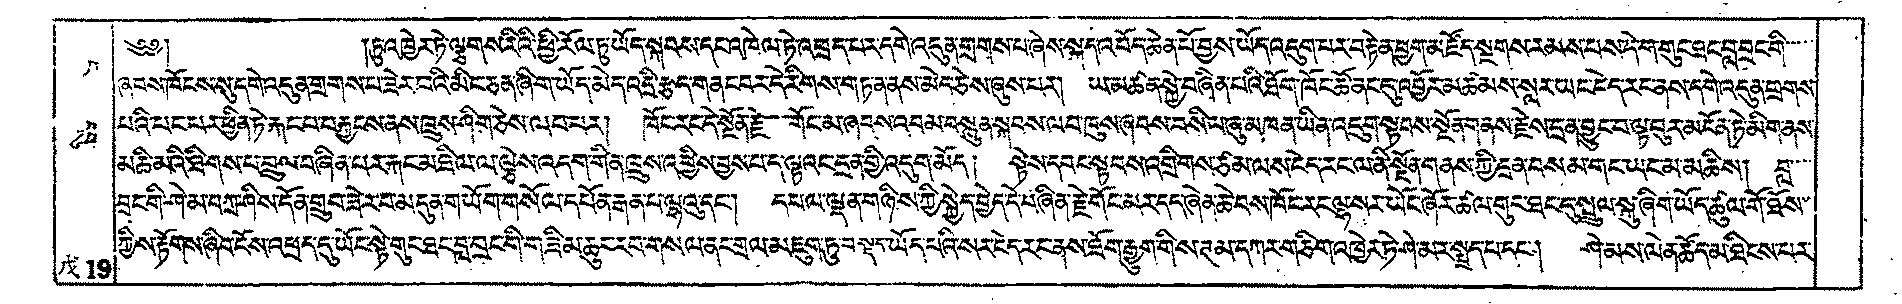༄༅། །ཏུ་འཁྱེར་ཏེ་ལྕགས་རིའི་ཕྱི་རོལ་ཏུ་ཡོད་སྐབས་དང་འཁེལ་ཏེ་འཕྲད་པར་དགེ་འདུན་གྲགས་པ་ཞེས་སྐད་འབོད་ཆེན་པོ་བྱས་ཡོད་འདུག་པར་བརྟེན་ཕྱག་མཛོད་སྔགས་རམས་པས་དེ་ག་གུང་ཐང་བླ་བྲང་གི་
ཞབས་ཁོངས་སུ་དགེ་འདུན་གྲགས་པ་ཟེར་བའི་མིང་ཅན་ཞིག་ཡོད་མེད་འདྲི་རྩད་གནང་བར་དེ་རིགས་གཏན་ནས་མེད་ཅེས་ཞུས་པར། ཡ་མཚན་སྐྱེ་བཞིན་པའི་ཐོག་ཁོང་ཚོ་ནང་དུ་འབྱོར་མཚམས་སླར་ཡང་ངེད་རང་ནས་དགེ་འདུན་གྲགས་
པའི་པང་པར་ཕྱིན་ཏེ་རྐང་པ་བརྐྱངས་ནས་ཁྲུས་ཤིག་ཅེས་ལབ་པར། ཁོང་རང་དེ་སྔོན་རྗེ་གོང་མ་ཞབས་འབམ་བསྙུན་སྐབས་ལབ་ཁུས་ཞབས་བསིལ་ཞུ་མཁན་ཡིན་འདུག་སྟབས་སྔོན་གནས་རྗེས་དྲན་བྱུང་བ་ལྟ་བུར་མངོན་ཏེ་མིག་ནས་
མཆི་མའི་ཐིགས་པ་བྲུལ་བཞིན་པར་རྐང་མཐིལ་ལ་ལྕེས་འདག་གིན་ཁྲུས་འཕྱིས་བྱས་པ་ད་ལྟའང་དྲན་གྱི་འདུག་མོད། སྟེས་དབང་སྟབས་འགྲིགས་ཙམ་ལས་ངེད་རང་ལ་ནི་སྔོན་གནས་ཀྱི་དྲན་བསམ་གང་ཡང་མ་མཆིས། བླ་
བྲང་གི་ཤེ་མ་བཀྲ་ཤིས་དོན་གྲུབ་ཟེར་བ་མདུན་གཡོགས་གསོལ་དཔོན་རྒན་པ་ལྷའུ་དང་། དཔལ་ལྡན་གཉིས་ཀྱི་སྐྱེད་བྱེད་དེ་བཞིན་རྗེ་གོང་མར་དད་ཞེན་ཆེ་བས་ཁོང་རང་ལྷ་སར་ཡོང་ཞོར་ཚལ་གུང་ཐང་དུ་སྤྲུལ་སྐུ་ཞིག་ཡོད་ཚུལ་གོ་ཐོས་
ཀྱིས་རྟོགས་ཞིབ་ངོས་འཕྲད་དུ་ཡོང་སྟེ་གུང་ཐང་བླ་བྲང་གི་གཟིམ་ཆུང་རབ་གསལ་ནང་གྲལ་མཇུག་ཏུ་བསད་ཡོད་པའི་སར་ངེད་རང་ནས་ཐོག་རྒྱུག་གིས་ཊམ་དཀར་གཅིག་འཁྱེར་ཏེ་ཤེ་མར་སྤྲད་པ་དང་། ཤེ་མས་ལེན་ཚོད་མ་ཐིངས་པར་